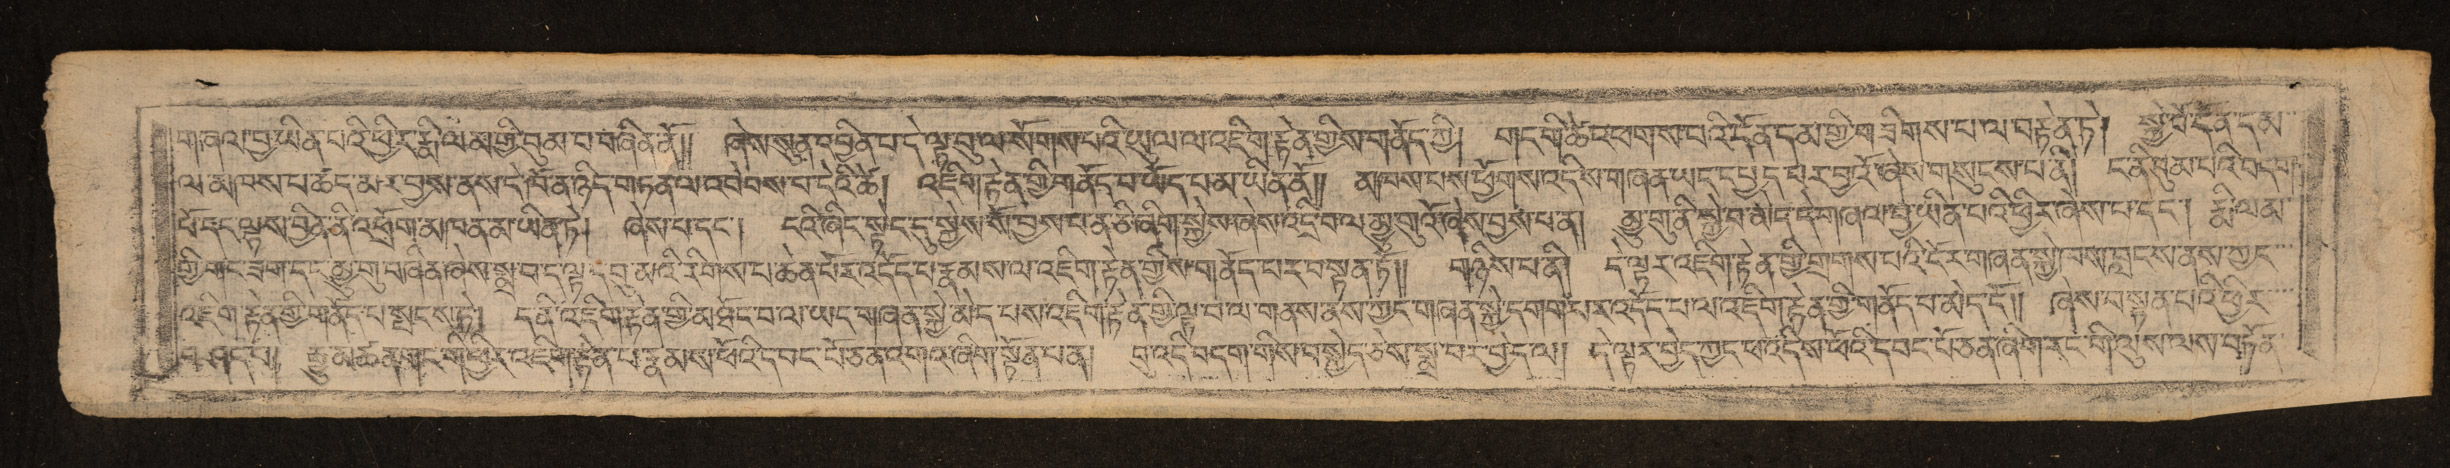གཞལ་བྱ་ཡིན་པའི་ཕྱིར་རྨི་ལམ་གྱི་བུམ་པ་བཞིན་ནོ།། ཞེས་སུན་འབྱིན་པ་དེ་ལྟ་བུ་ལ་སོགས་པའི་ཡུལ་ལ་འཇིག་རྟེན་གྱིས་གནོད་ཀྱི། གང་གི་ཚེ་འཕགས་པའི་དོན་དམ་གྱི་གཟིགས་པ་ལ་བརྟེན་ཏེ། སྐྱེ་བོ་དོན་དམ་
ལ་མཁས་པ་ཚད་མར་བྱས་ནས་དེ་ཁོ་ན་ཉིད་གཏན་ལ་འབེབས་པ་དེའི་ཚེ། འཇིག་རྟེན་གྱི་གནོད་པ་ཡོད་པ་མ་ཡིན་ནོ།། མཁས་པས་ཕྱོགས་འདིས་གཞན་ཡང་དཔྱད་པར་བྱའོ་ཞེས་གསུངས་པ་ནི། ང་ནི་བུམ་པའི་བདག་
པོ་དང་ལྷས་བྱིན་ནི་འཕྲོག་མཁན་མ་ཡིན་ཏེ། ཞེས་པ་དང་། ངའི་ཞིང་སྟེང་དུ་སྐྱེས་སོ་བྱས་པ་ན་ཅི་ཞིག་སྐྱེས་ཞེས་འདྲི་བ་ལ་མྱུ་གུའོ་ཞེས་བྱས་པ་ན། མྱུ་གུ་ནི་སྐྱེ་བ་མེད་དེ་གཞལ་བྱ་ཡིན་པའི་ཕྱིར་ཞེས་པ་དང་། རྨི་ལམ་
གྱི་གང་ཟག་དང་མྱུ་གུ་བཞིན་ཞེས་སྨྲ་བ་ད་ལྟ་དབུ་མའི་རིགས་པ་ཆེན་པོར་འདོད་པ་རྣམས་ལ་འཇིག་རྟེན་གྱིས་གནོད་པར་བསྟན་ཏོ།། གཉིས་པ་ནི། དེ་ལྟར་འཇིག་རྟེན་གྱི་གྲགས་པའི་ངོར་གཞན་སྐྱེ་ཁས་བླངས་ནས་ཀྱང་
འཇིག་རྟེན་གྱི་གནོད་པ་སྤངས་ཏེ། ད་ནི་འཇིག་རྟེན་གྱི་མཐོང་བ་ལ་ཡང་གཞན་སྐྱེ་མེད་པས་འཇིག་རྟེན་གྱི་ལྟ་བ་ལ་གནས་ནས་ཀྱང་གཞན་སྐྱེ་དགག་པར་འདོད་པ་ལ་འཇིག་རྟེན་གྱི་གནོད་པ་མེད་དོ།། ཞེས་བསྟན་པའི་ཕྱིར་
བཤད་པ། རྒྱུ་མཚན་གང་གི་ཕྱིར་འཇིག་རྟེན་པ་རྣམས་ཕོའི་དབང་པོ་ཅན་འགའ་ཞིག་སྟོན་པ་ན། བུ་འདི་བདག་གིས་བསྐྱེད་ཅེས་སྨྲ་བར་བྱེད་ལ། དེ་ལྟར་བྱེད་ཀྱང་ཕ་འདིས་ཕོའི་དབང་པོ་ཅན་ཞིག་རང་གི་ལུས་ལས་བཏོན་